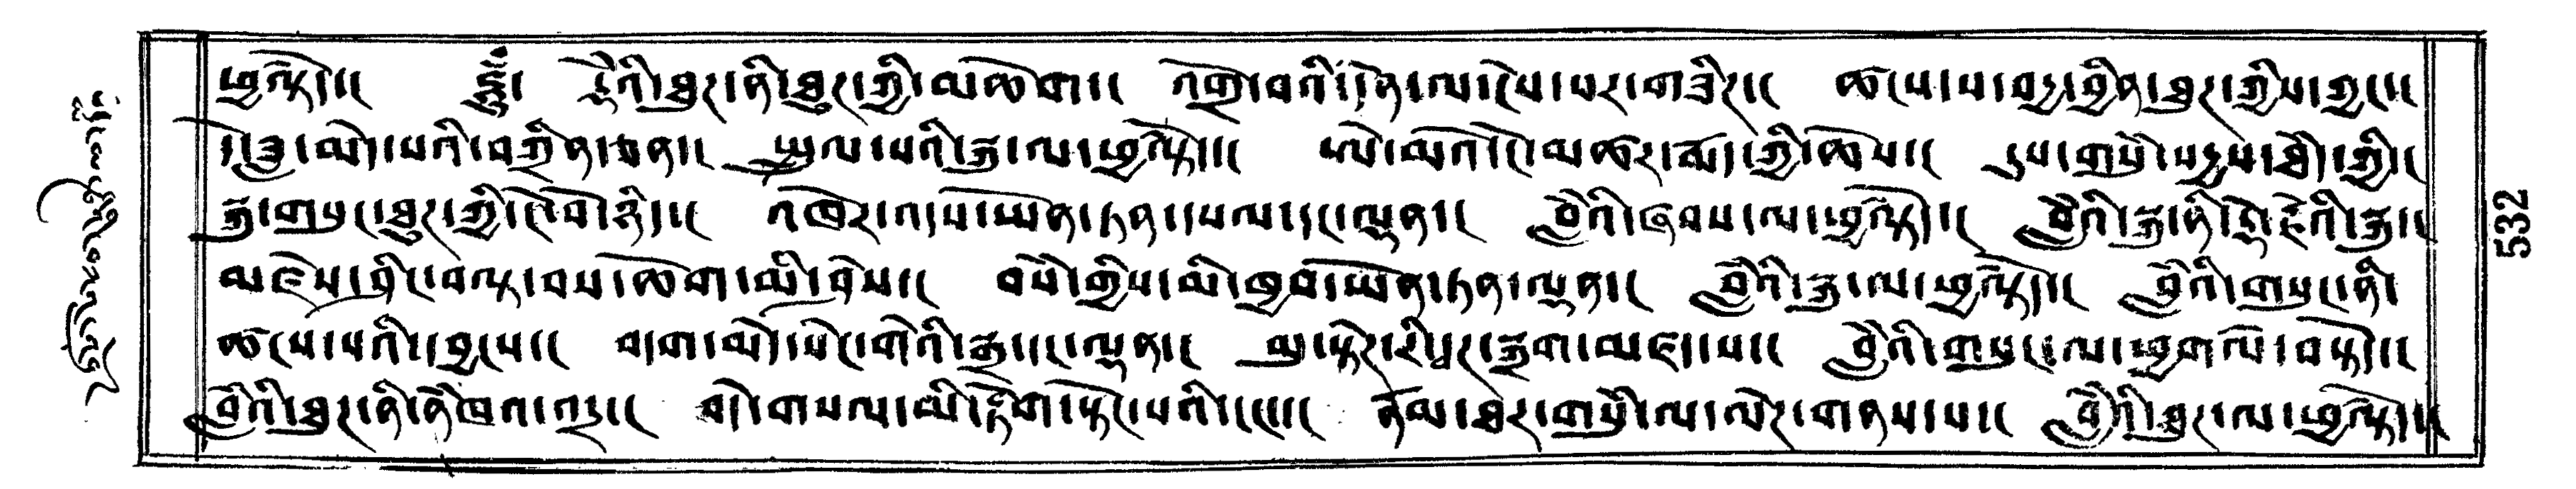ཕྱག་འཚལ་བསྟོད། ཧཱུྃ། རྡོ་རྗེའི་ཐུགས་ནི་ཐུགས་ཀྱི་མཆོག །འགྲོ་བའི་དོན་ལ་ངེས་པར་གཟིགས། །ཚངས་པ་བརྒྱ་བྱིན་ཐུགས་ཀྱིས་ཀྱང་། །
དོ་ཟླ་མེད་པའི་བཀའ་དྲིན་ཅན། །སྤྲུལ་པའི་སྐུ་ལ་ཕྱག་འཚལ་བསྟོད། །ཨེ་མའོ་ངོ་མཚར་རྨད་ཀྱི་ཆོས། །དུས་གསུམ་སངས་རྒྱས་ཐམས་ཅད་ཀྱི། །
སྐུ་གསུང་ཐུགས་ཀྱི་ངོ་བོ་ཉིད། །འཁོར་འདས་ཡོན་ཏན་དཔལ་དང་ལྡན། །བླ་མའི་ཞབས་ལ་ཕྱག་འཚལ་བསྟོད། །བླ་མའི་སྐུ་ནི་རྡོ་རྗེའི་སྐུ། །
མཛེས་ཤིང་བལྟ་བས་ཆོག་མི་ཤེས། །བསམ་གྱིས་མི་ཁྱབ་ཡོན་ཏན་ལྡན། །བླ་མའི་སྐུ་ལ་ཕྱག་འཚལ་བསྟོད། །བླ་མའི་གསུང་ནི་
ཚངས་པའི་དབྱངས། །བདག་མེད་སེང་གེའི་སྒྲ་དང་ལྡན། །མུ་སྟེགས་རི་དྭགས་སྐྲག་མཛད་པ། །བླ་མའི་གསུང་ལ་ཕྱག་འཚལ་བསྟོད། །
བླ་མའི་ཐུགས་ནི་ནམ་མཁའ་འདྲ། །བདེ་གསལ་མི་རྟོག་སྟོང་པའི་ངང་། །རྣམ་ཐར་གསུམ་ལ་ལེགས་གནས་པ། །བླ་མའི་ཐུགས་ལ་ཕྱག་འཚལ་བསྟོད།